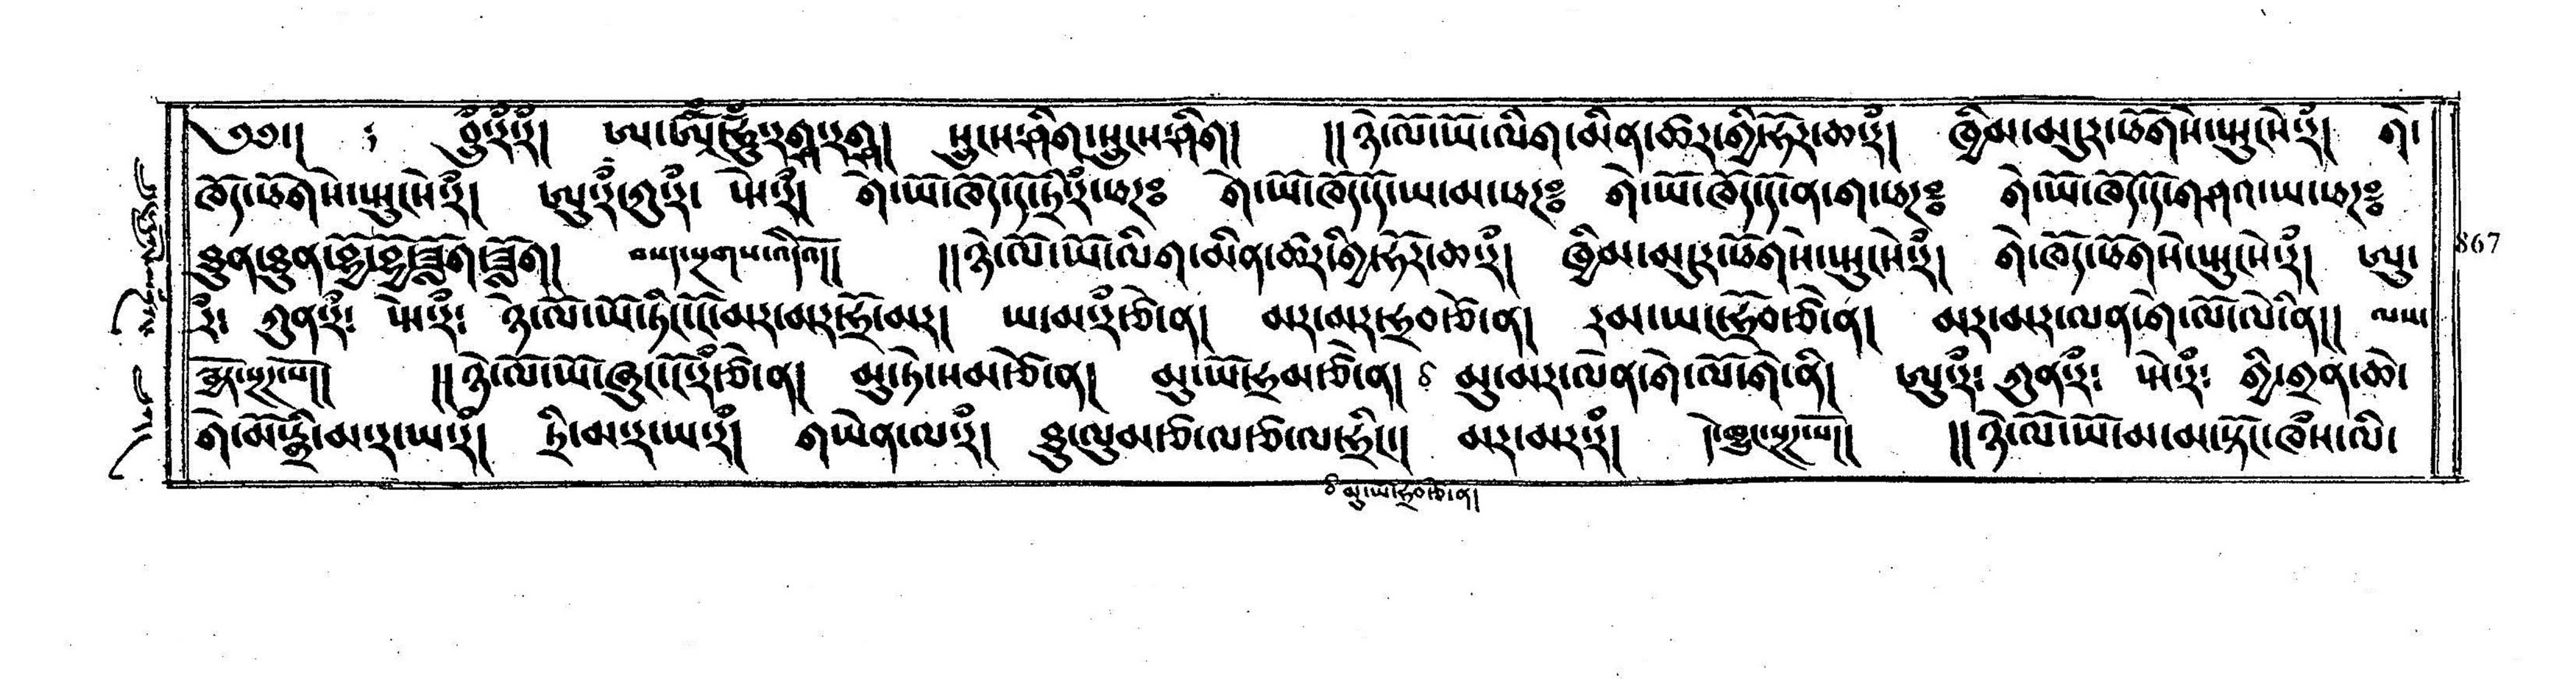བྲུཾ་རཾ་རཾ། ཨ་ཨཱོཾ་ཧཱུྃ་རགྴ་རགྴ། སྲུངས་ཤིག་སྲུངས་ཤིག །།ཉེ་ལོ་ཡོ་ལིག་མིན་ཚར་གྱི་ཧོར་ཆ་རཾ། ཁྱིམ་མདུར་ཕོགསེ་སྤུངསེ་རཾ། གེ་
ཁོད་ཕོགསེ་སྤུངསེ་རཾ། ཨུ་རཾ་ཀུ་རཾ་སྤེ་རཾ། གེ་ཡོ་ཁོད་དོ་ཏྲི་རཾ་ཕཊཿ གེ་ཡོ་ཁོད་དོ་ཡ་མ་ཕཊ༔ གེ་ཡོ་ཁོད་དོ་ན་ག་ཕཊ༔ གེ་ཡོ་ཁོད་དོ་གཤའ་ཡ་ཕཊ༔ 
ཐུན་ཐུན་བྷྱོ་བྷྱོ་ཟློག་ཟློག བསད་སྔགས་འདིའོ།། །།ཉེ་ལོ་ཡོ་ལིག་མིན་ཚར་གྱི་ཧོར་ཆ་རཾ། ཁྱིམ་མདུར་ཕོགསེ་སྤུངསེ་རཾ། གེ་ཁོད་ཕོགསེ་སྤུངསེ་རཾ། ཨུ་
རཾ་ཀུན་རཾ༴ སྤེ་རམ༴ ཉེ་ལོ་ཡོ་ཏིང་ངོ་མར་མར་ཧྲོ་མར། ཡ་མ་རཾ་ཙེ་ན། མར་མར་ཧྲབ་ཙེ་ན། རམ་ཡང་ཧྲོབ་ཙེ་ན། མར་མར་ལན་གེ་ལོ་ལེ་ནི།། ལས་
སྦྱོར་སྔགས་སོ།། །།ཉེ་ལོ་ཡོ་ཞུང་ངོ་རཾ་ཙེ་ན། མུ་ཏེ་སམ་ཙེ་ན། མུ་ཡོ་ཧྲམ་ཙེ་ན། མུ་ཡེ་ཧྲབ་ཙེ་ན། མུ་མར་ལེན་གེ་ལོ་གེ་ནི། ཨུ་རཾ༴ ཀུན་རཾ༴ སྤེ་རཾ༴ གྲི་གྲན་ཆེ་
གེ་མོ་རྣྲི་མ་ར་ཡ་རི། ཏྲི་མ་ར་ཡ་རཾ། གཡེན་ལ་རཾ། ཐུ་ལུམ་ཙ་ལ་ཙ་ལ་ཧྲིང་། མར་མར་རཾ། དེ་ཁྱུང་སྔགས་སོ།། །།ཉེ་ལོ་ཡོ་མ་མ་སྟོང་ཁམས་ལི་